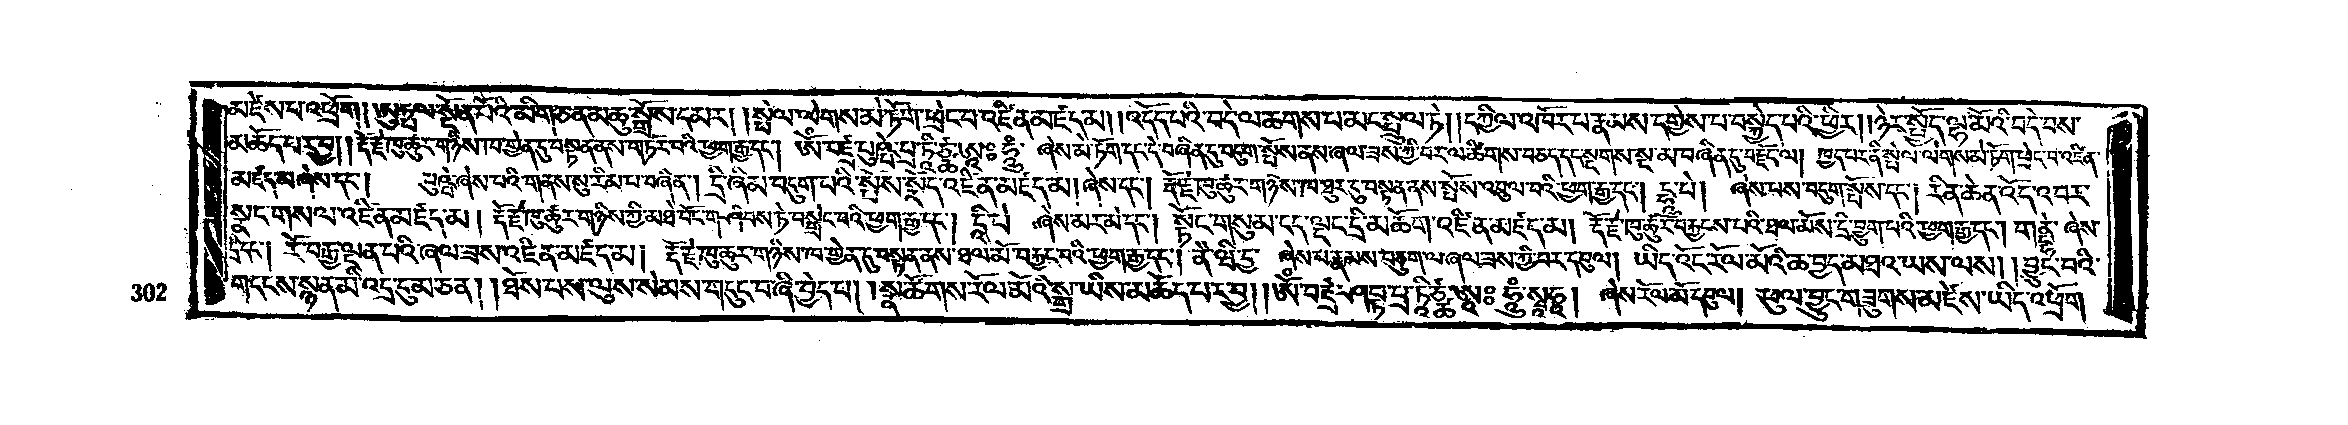མཛེས་པ་འཕྲོག །ཨུཏྤལ་སྔོན་པོའི་མིག་ཅན་མཆུ་སྒྲོས་དམར། །སྤེལ་ལེགས་མེ་ཏོག་ཕྲེང་བ་འཛིན་མཛད་མ། །འདོད་པའི་བདེ་ལ་ཆགས་པ་མང་སྤྲུལ་ཏེ། །དཀྱིལ་འཁོར་པ་རྣམས་དགྱེས་པ་བསྐྱེད་པའི་ཕྱིར། །ཉེར་སྤྱོད་ལྷ་མོའི་བདེ་བས་
མཆོད་པར་བྱ། །རྡོ་རྗེ་ཁུ་ཚུར་གཉིས་ཁ་གྱེན་དུ་བསྟན་ནས་གཏོར་བའི་ཕྱག་རྒྱ་དང་།  ཨོཾ་བཛྲ་པུཥྤེ་པྲ་ཏཱི་ཙྪ་ཨཱཿ ཧཱུཾ་ཞེས་མེ་ཏོག་དང་དེ་བཞིན་དུ་བདུག་སྤོས་ནས་ཞལ་ཟས་ཀྱི་བར་ལ་ཚིགས་བཅད་དང་སྔགས་སྔ་མ་བཞིན་དུ་བརྗོད་ལ། ཁྱད་པར་ནི་སྤེལ་ལེགས་མེ་ཏོག་ཕྲེང་བ་འཛིན་
མཛད་མ་ཞེས་དང་། པུཥྤེ་ཞེས་པའི་གནས་སུ་རིམ་པ་བཞིན། དྲི་ཞིམ་བདུག་པའི་སྤོས་སྣོད་འཛིན་མཛད་མ། ཞེས་དང་། རྡོ་རྗེ་ཁུ་ཚུར་གཉིས་ཁ་ཐུར་དུ་བསྟན་ནས་སྤོས་འབུལ་བའི་ཕྱག་རྒྱ་དང་།  དྷཱུ་པེ། ཞེས་པས་བདུག་སྤོས་དང་།  རིན་ཆེན་འོད་འབར་
སྣང་གསལ་འཛིན་མཛད་མ། རྡོ་རྗེ་ཁུ་ཚུར་གཉིས་ཀྱི་མཐེ་བོང་གཤིབས་ཏེ་བསྒྲེང་བའི་ཕྱག་རྒྱ་དང་།  དཱི་པེ་ཞེས་མར་མེ་དང་།  སྟོང་གསུམ་ངད་ལྡང་དྲི་མཆོག་འཛིན་མཛད་མ། རྡོ་རྗེ་ཁུ་ཚུར་བརྐྱངས་པའི་ཐལ་མོས་དྲི་བྱུང་པའི་ཕྱག་རྒྱ་དང་།  གནྡྷེ་ཞེས་
དྲི་དང་། རོ་བརྒྱ་ལྡན་པའི་ཞལ་ཟས་འཛིན་མཛད་མ། རྡོ་རྗེ་ཁུ་ཚུར་གཉིས་ཁ་གྱེན་དུ་བསྟན་ནས་ཐལ་མོ་བརྐྱང་བའི་ཕྱག་རྒྱ་དང་།  ནཻ་ཝི་དྱ་ཞེས་པ་རྣམས་བཅུག་ལ་ཞལ་ཟས་ཀྱི་བར་དབུལ།  ཡིད་འོང་རོལ་མོའི་ཆ་བྱད་མཐའ་ཡས་ལས། །བྱུང་བའི་
གདངས་སྙན་མི་འདྲ་དུ་མ་ཅན། །ཐོས་པས་ལུས་སེམས་གདུང་བ་ཞི་བྱེད་པ། །སྣ་ཚོགས་རོལ་མོའི་སྒྲ་ཡིས་མཆོད་པར་བྱ། །ཨོཾ་བཛྲ་ཤབཏ་པྲ་ཏཱི་ཙྪ་ཨཱ་H ཧཱུཾ་སྭཱཧཱ། ཞེས་རོལ་མོ་དབུལ།  ཕུལ་བྱུང་གཟུགས་མཛེས་ཡིད་འཕྲོག་